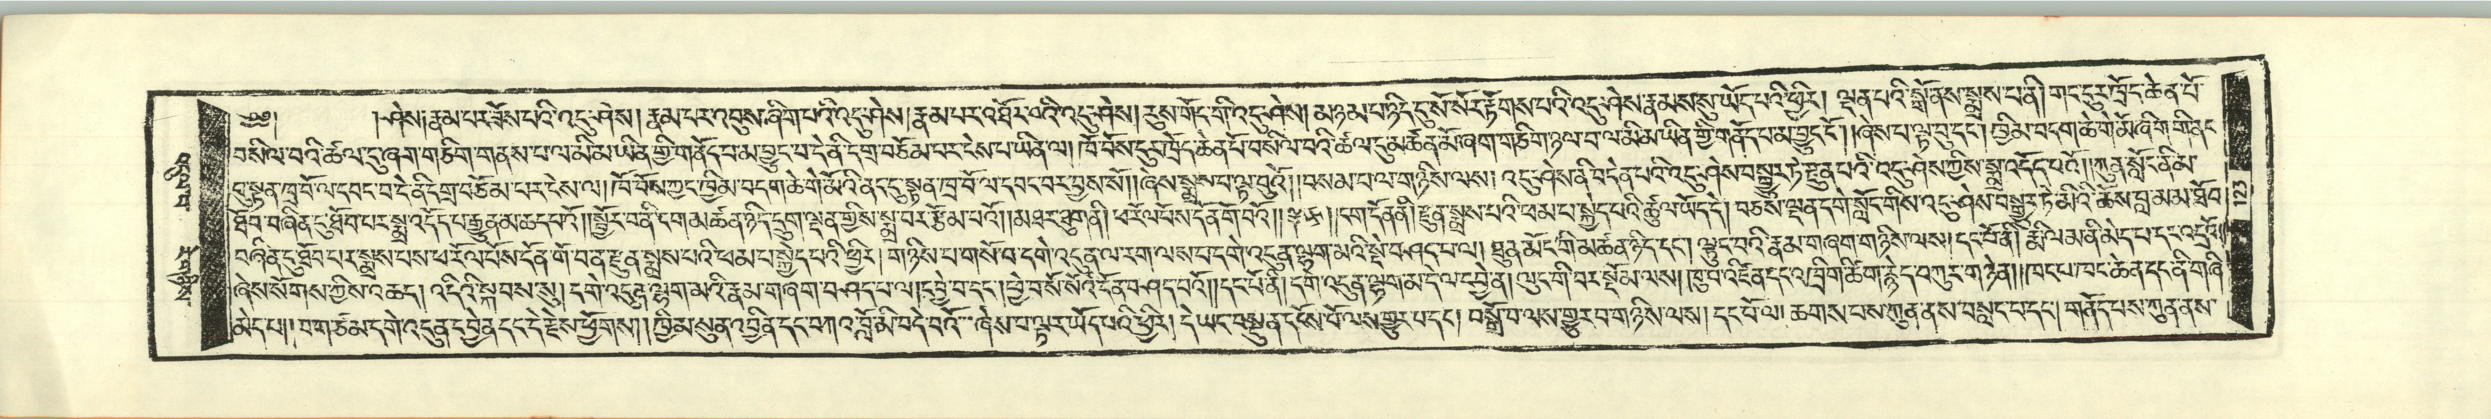༄༅། །ཤེས༑ རྣམ་པར་ཟོས་པའི་འདུ་ཤེས། རྣམ་པར་འབུས་ཞིག་པའི་འདུ་ཤེས། རྣམ་པར་འཐོར་བའི་འདུ་ཤེས། རུས་གོང་གི་འདུ་ཤེས། མཉམ་པ་ཉིད་དུ་སོ་སོར་རྟོགས་པའི་འདུ་ཤེས་རྣམས་སུ་ཡོད་པའི་ཕྱིར། ལྡན་པའི་སྒོ་ནས་སྨྲས་པ་ནི། གང་དུར་ཁྲོད་ཆེན་པོ་
བསིལ་བའི་ཚལ་དུ་ཞག་གཅིག་གནས་པ་ལ་མི་མ་ཡིན་གྱི་གནོད་པ་མ་བྱུང་བ་དེ་ནི་དགྲ་བཅོམ་པར་ངེས་པ་ཡིན་ལ། ཁོ་བོས་དུར་ཁྲོད་ཆེན་པོ་བསིལ་བའི་ཚལ་དུ་མཚན་མོ་ཞག་གཅིག་ཉལ་བ་ལ་མི་མ་ཡིན་གྱི་གནོད་པ་མ་བྱུང་ངོ། །ཞེས་པ་ལྟ་བུ་དང་། ཁྱིམ་བདག་ཆེ་གེ་མོ་ཞིག་གི་ནང་
བུ་སྟན་ཁྲ་བོ་ལ་དབང་བ་དེ་ནི་དགྲ་བཅོམ་པར་ངེས་ལ། ཁོ་བོས་ཀྱང་ཁྱིམ་བདག་ཆེ་གེ་མོའི་ནང་དུ་སྟན་ཁྲ་བོ་ལ་དབང་བར་བྱས་སོ། །ཞེས་སྨྲས་པ་ལྟ་བུའོ། །བསམ་པ་ལ་གཉིས་ལས། འདུ་ཤེས་ནི་བདེན་པའི་འདུ་ཤེས་བསྒྱུར་ཏེ་རྫུན་པའི་འདུ་ཤེས་ཀྱིས་སྨྲ་འདོད་པའོ། །ཀུན་སློང་ནི་མ་
ཐོབ་བཞིན་དུ་ཐོབ་པར་སྨྲ་འདོད་པ་རྒྱུན་མ་ཆད་པའོ། །སྦྱོར་བ་ནི་ངག་མཚན་ཉིད་དྲུག་ལྡན་གྱིས་སྨྲ་བར་རྩོམ་པའོ། །མཐར་ཐུག་ནི། ཕ་རོལ་པོས་དོན་གོ་བའོ།།༈ ?་།།ངག་དོན་ནི། རྫུན་སྨྲས་པའི་ཕམ་པ་སྐྱེད་པའི་ཚུལ་ཡོད་དེ། བཅས་ལྡན་དགེ་སློང་གིས་འདུ་ཤེས་བསྒྱུར་ཏེ་མིའི་ཆོས་བླ་མ་མ་ཐོབ་
བཞིན་དུ་ཐོབ་པར་སྨྲས་པས་ཕ་རོལ་པོས་དོན་གོ་བ་ན་རྫུན་སྨྲས་པའི་ཕམ་པ་སྐྱེད་པའི་ཕྱིར། གཉིས་པ་གསོ་བ་དགེ་འདུན་ལ་རག་ལས་བ་དགེ་འདུན་ལྷག་མའི་སྡེ་བཤད་པ་ལ། ཐུན་མོང་གི་མཚན་ཉིད་དང་། ལྟུང་བའི་རྣམ་གཞག་གཉིས་ལས། དང་པོ་ནི། རྨི་ལམ་ནི་མེད་པ་དང་འདྲའོ།
ཞེས་སོགས་ཀྱིས་འཆད། འདིའི་སྐབས་སུ། དགེ་འདུན་ལྷག་མའི་རྣམ་གཞག་བཤད་པ་ལ། དབྱེ་བ་དང་། ཕྱེ་བ་སོ་སོའི་དོན་བཤད་པའོ། །དང་པོ་ནི། དགེ་འདུན་ལྷག་མ་དེ་ལ་དབྱེ་ན། ལུང་གི་བར་སྡོམ་ལས། ཁུ་བ་འཛིན་དང་འཁྲིག་ཚིག་རྙེད་བཀུར་གཉེན། །ཁང་པ་ཁང་ཆེན་དང་ནི་གཞི་
མེད་པ། །བག་ཙམ་དགེ་འདུན་དབྱེན་དང་དེ་རྗེས་ཕྱོགས། །ཁྱིམ་སུན་འབྱིན་དང་བཀའ་བློ་མི་བདེ་བའོ་ཞེས་པ་ལྟར་ཡོད་པའི་ཕྱིར། དེ་ཡང་བསྡུན་དངོས་པོ་ལས་གྱུར་པ་དང་། བསྒྲོ་བ་ལས་གྱུར་བ་གཉིས་ལས། དང་པོ་ལ། ཆགས་པས་ཀུན་ནས་བསླང་པ་དང་། གནོད་པས་ཀུན་ནས་